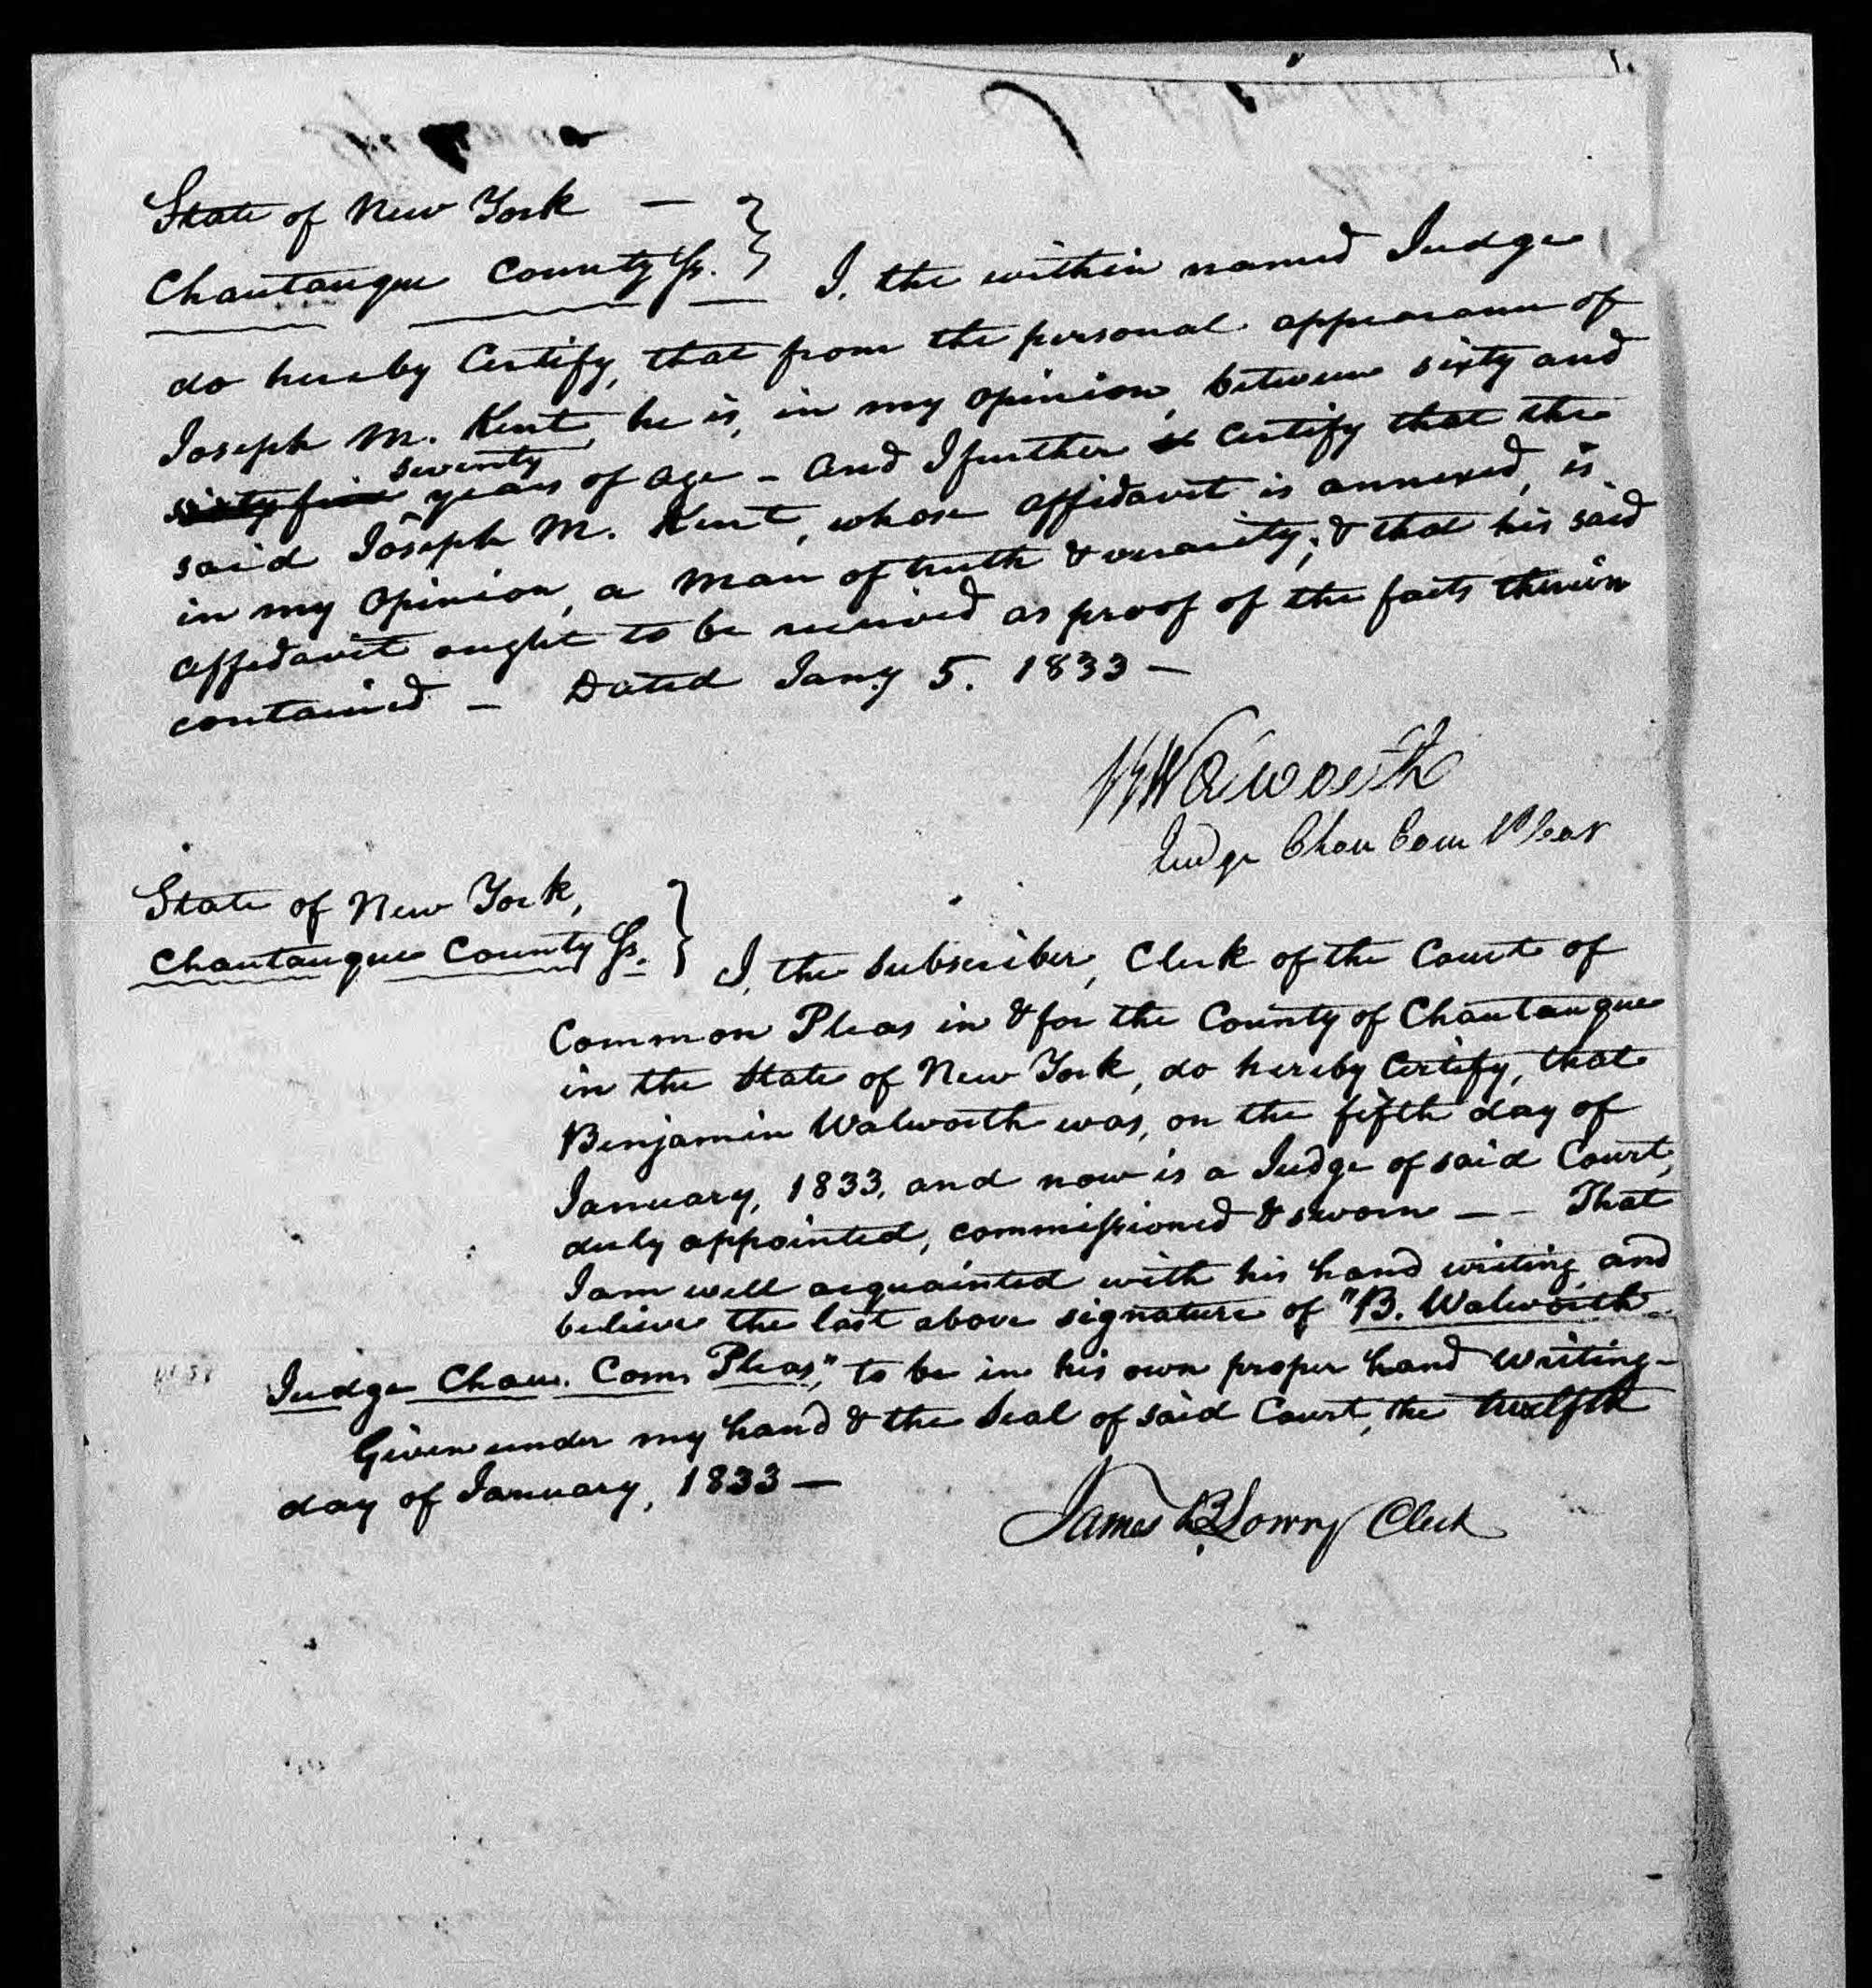State of New York}
Chautauqua County fs.}
I, the within named Judge do hereby certify, that from the personal appearance of Joseph M. Kent, he is, in my opinion between sixty and seventy years of age - And I further certify that the said Joseph M. Kent, whose affidavit is annexed, is in my opinion, a man of truth + veracity, + that his said affidavit ought to be received as proof of the facts therein contained - Date Jany 5. 1833 -
B. Walworth
Judge Chair Com Pleas

State of New York,}
Chautauqua County fs.}
I, the Subscriber, Clerk of the Court of Common Pleas in + for the County of Chautauqua in the State of New York, do hereby certify, that Benjamin Walworth was, on the fifth day of January, 1833 and now is a Judge of said Court, duly appointed, commifsioned + sworn - That I am well acquainted with his hand writing and believe the last above signature of "B. Walworth Judge Clair Com Pleas," to be in his own proper hand writing - Given under my hand + the Seal of said Court, the twelfth day of January, 1833 -
James B. Sorry Clerk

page: 17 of 50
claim: widow's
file: W. 4253, for John Kent, Vermont